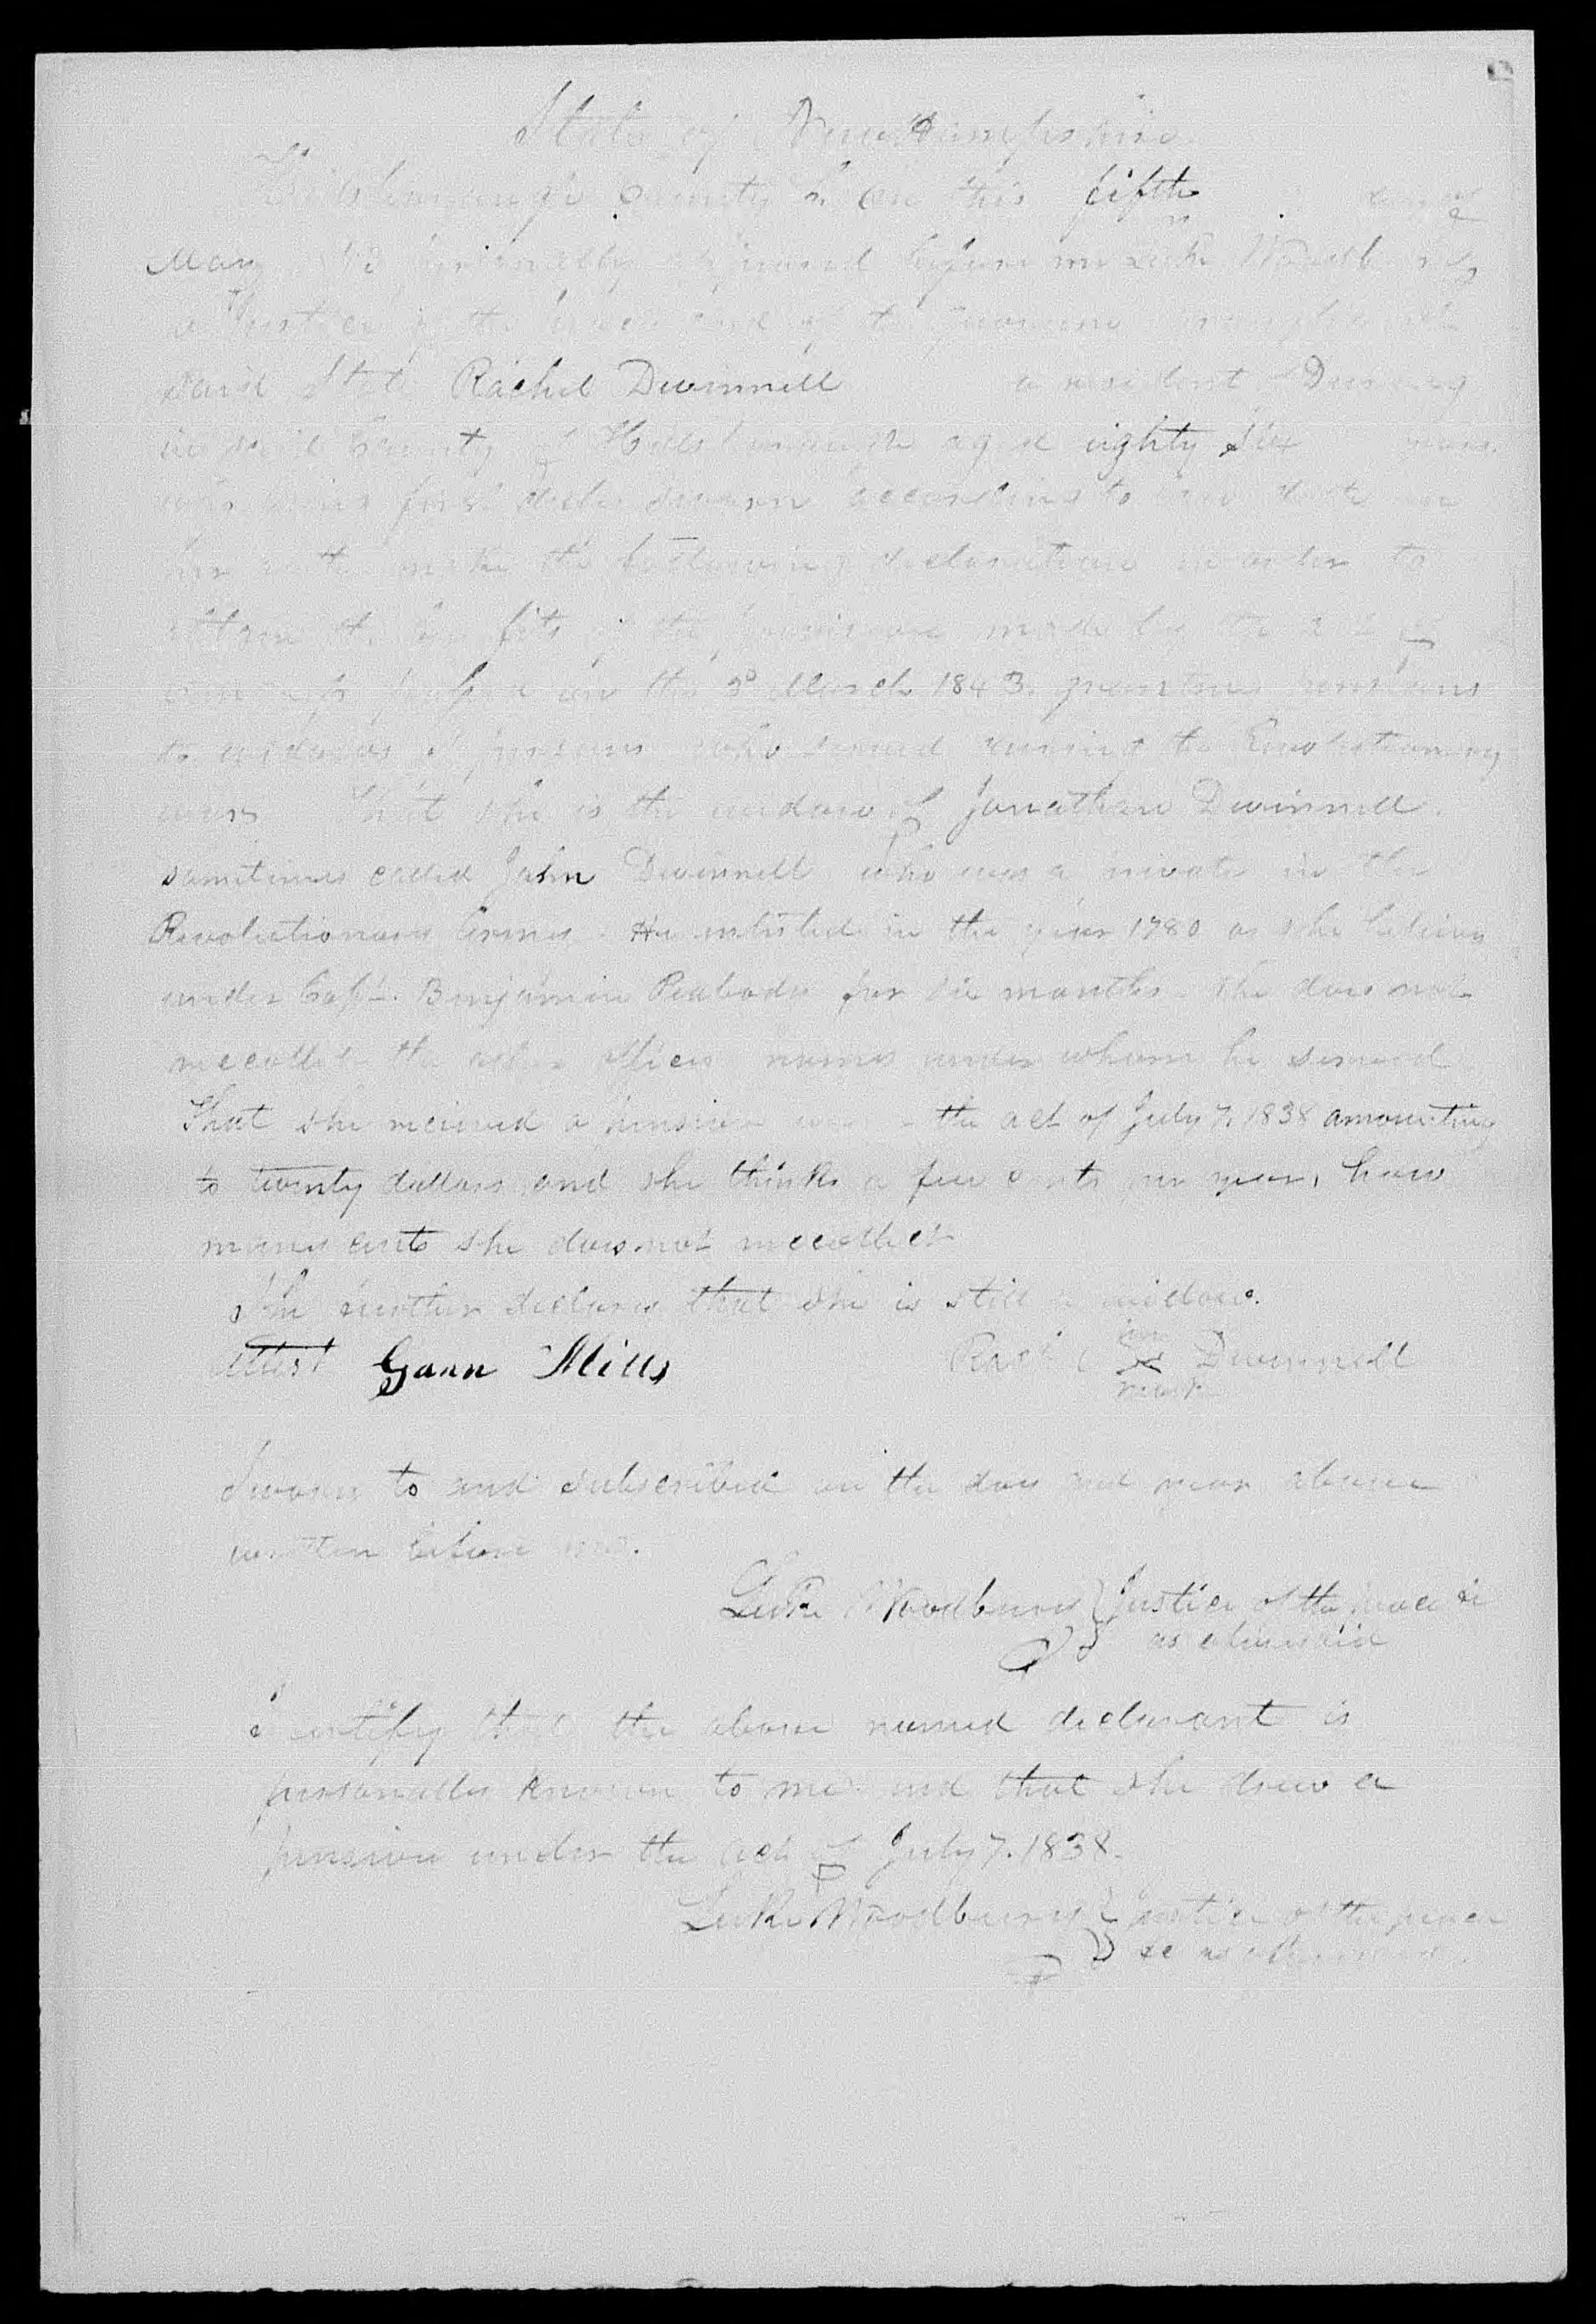State of New Hampshire
Hillsborough County S. on this fifth 
May 1840, personally appeared before me Luke Woodbury a Justice of the peace [illegible]
said State Rachel Dwinnell a resident of Deering in the County of Hillsborough aged eighty six years who this first [illegible] according to [illegible]
his with [illegible] to
[illegible] of the [illegible]
[illegible] March 1843 [illegible]
to widows pension who served [illegible] to Revolutionary 
[illegible] that she is the widow of Jonathan Dwinnell,
sometimes called John Dwinnell, who was a private in the Revolutionary Army.  He enlisted in the year 1780 as she believes under Capt. Benjamin Peabody for six months.  She does not recollect the [illegible] names under whom he served.  That she received a pension [illegible] the [illegible] of July 7, 1838 amounting to twenty dollars and she thinks a few cents per year, how many cents she does not recollect
She further declares that she is still a widow.
Attest Gann Mills Rachel her X mark Dwinnell
Sworn to and subscribed in the day and year above written before [illegible] 
Luke Woodbury } Justice of the peace in [illegible]
I certify that the above named declarant is personally known to me and that she has a pension under the acto f July 7. 1838.
Luke Woodbury } Justice of the peace [illegible]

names: Rachel Dwinnell, Jonathan Dwinnell, Luke Woodbury, Benjamin Peabody, John Dwinnell, Rachel Dwinnell, Luke Woodbury, Luke Woodbury, Gann Mills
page: 15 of 22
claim: widow's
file: W. 22984, John Dwinnell, Mass.